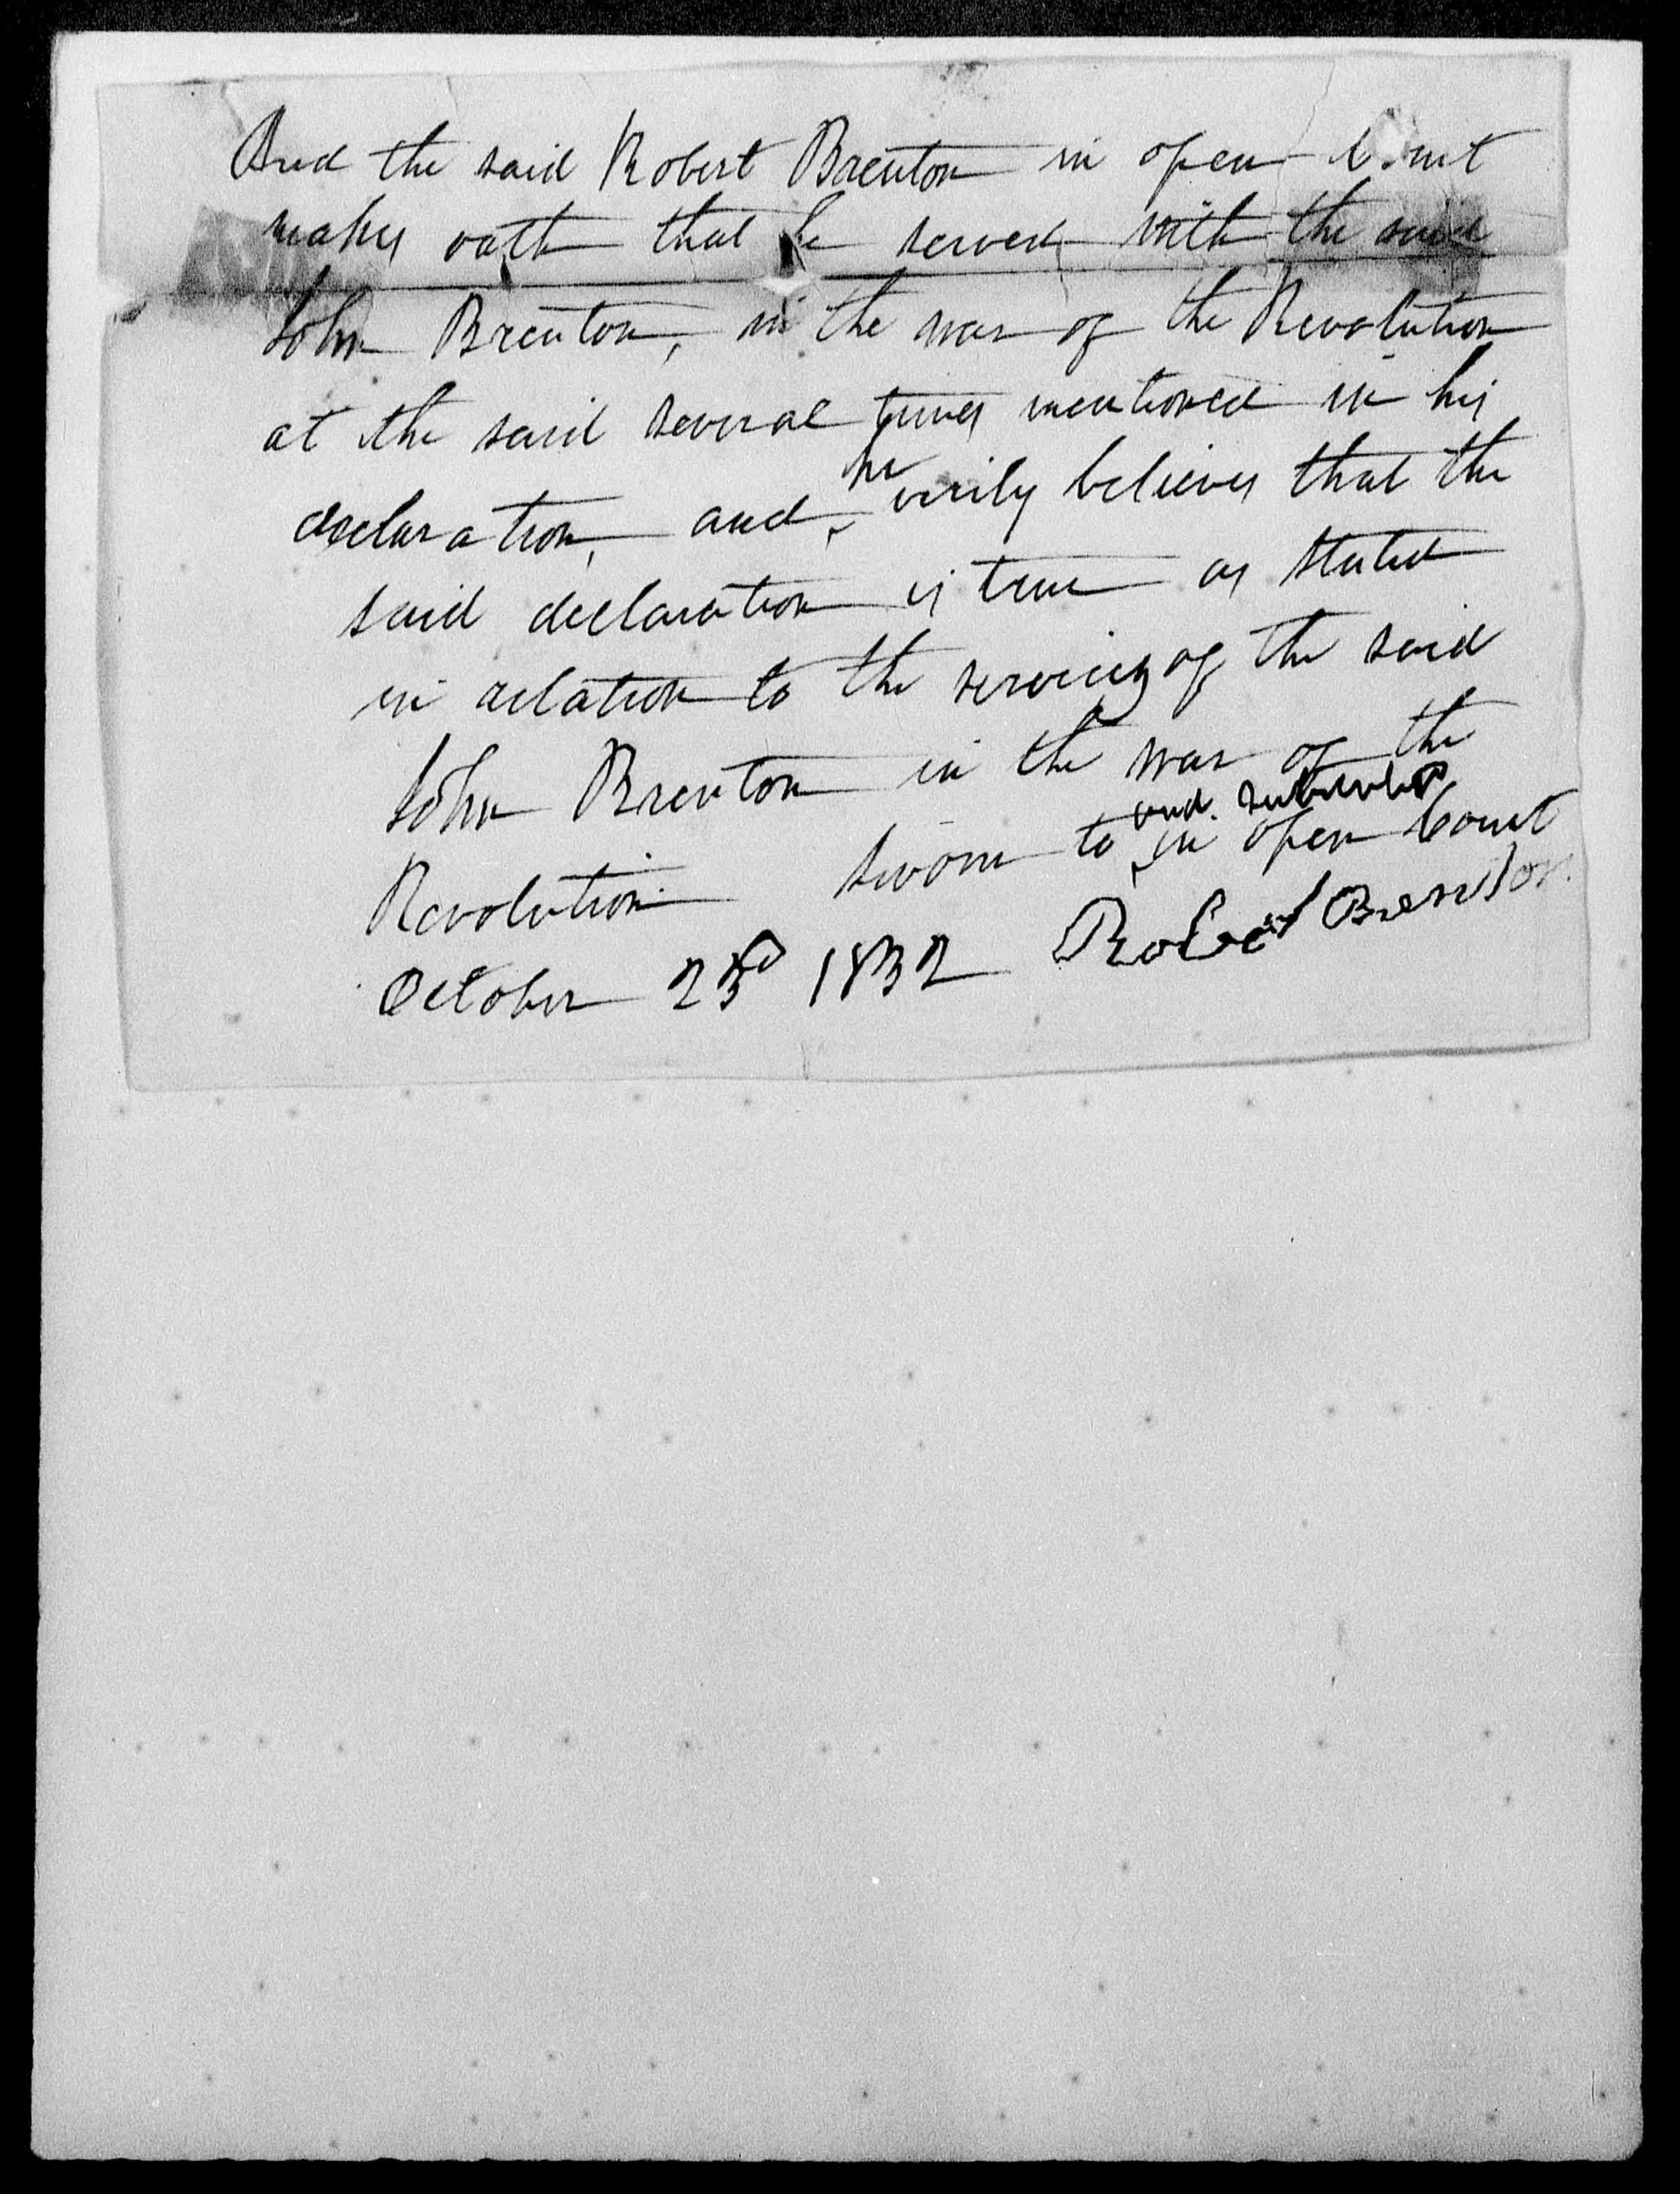And the said Robert Brenton in open Court makes oath that he served with the said John Brenton, in the war of the Revolution at the said several times mentioned in his declaration and he verily believes that the said declaration is true as stated in relation to the serving of the said John Brenton in the war of the Revolution. Sworn to and subscribed in open Court October 23rd 1832 Robert Brenton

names: Robert Brenton, John Brenton, Robert Brenton, John Brenton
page: 8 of 26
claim: survivor's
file: S. 16059, John Brenton, Penn. Va.